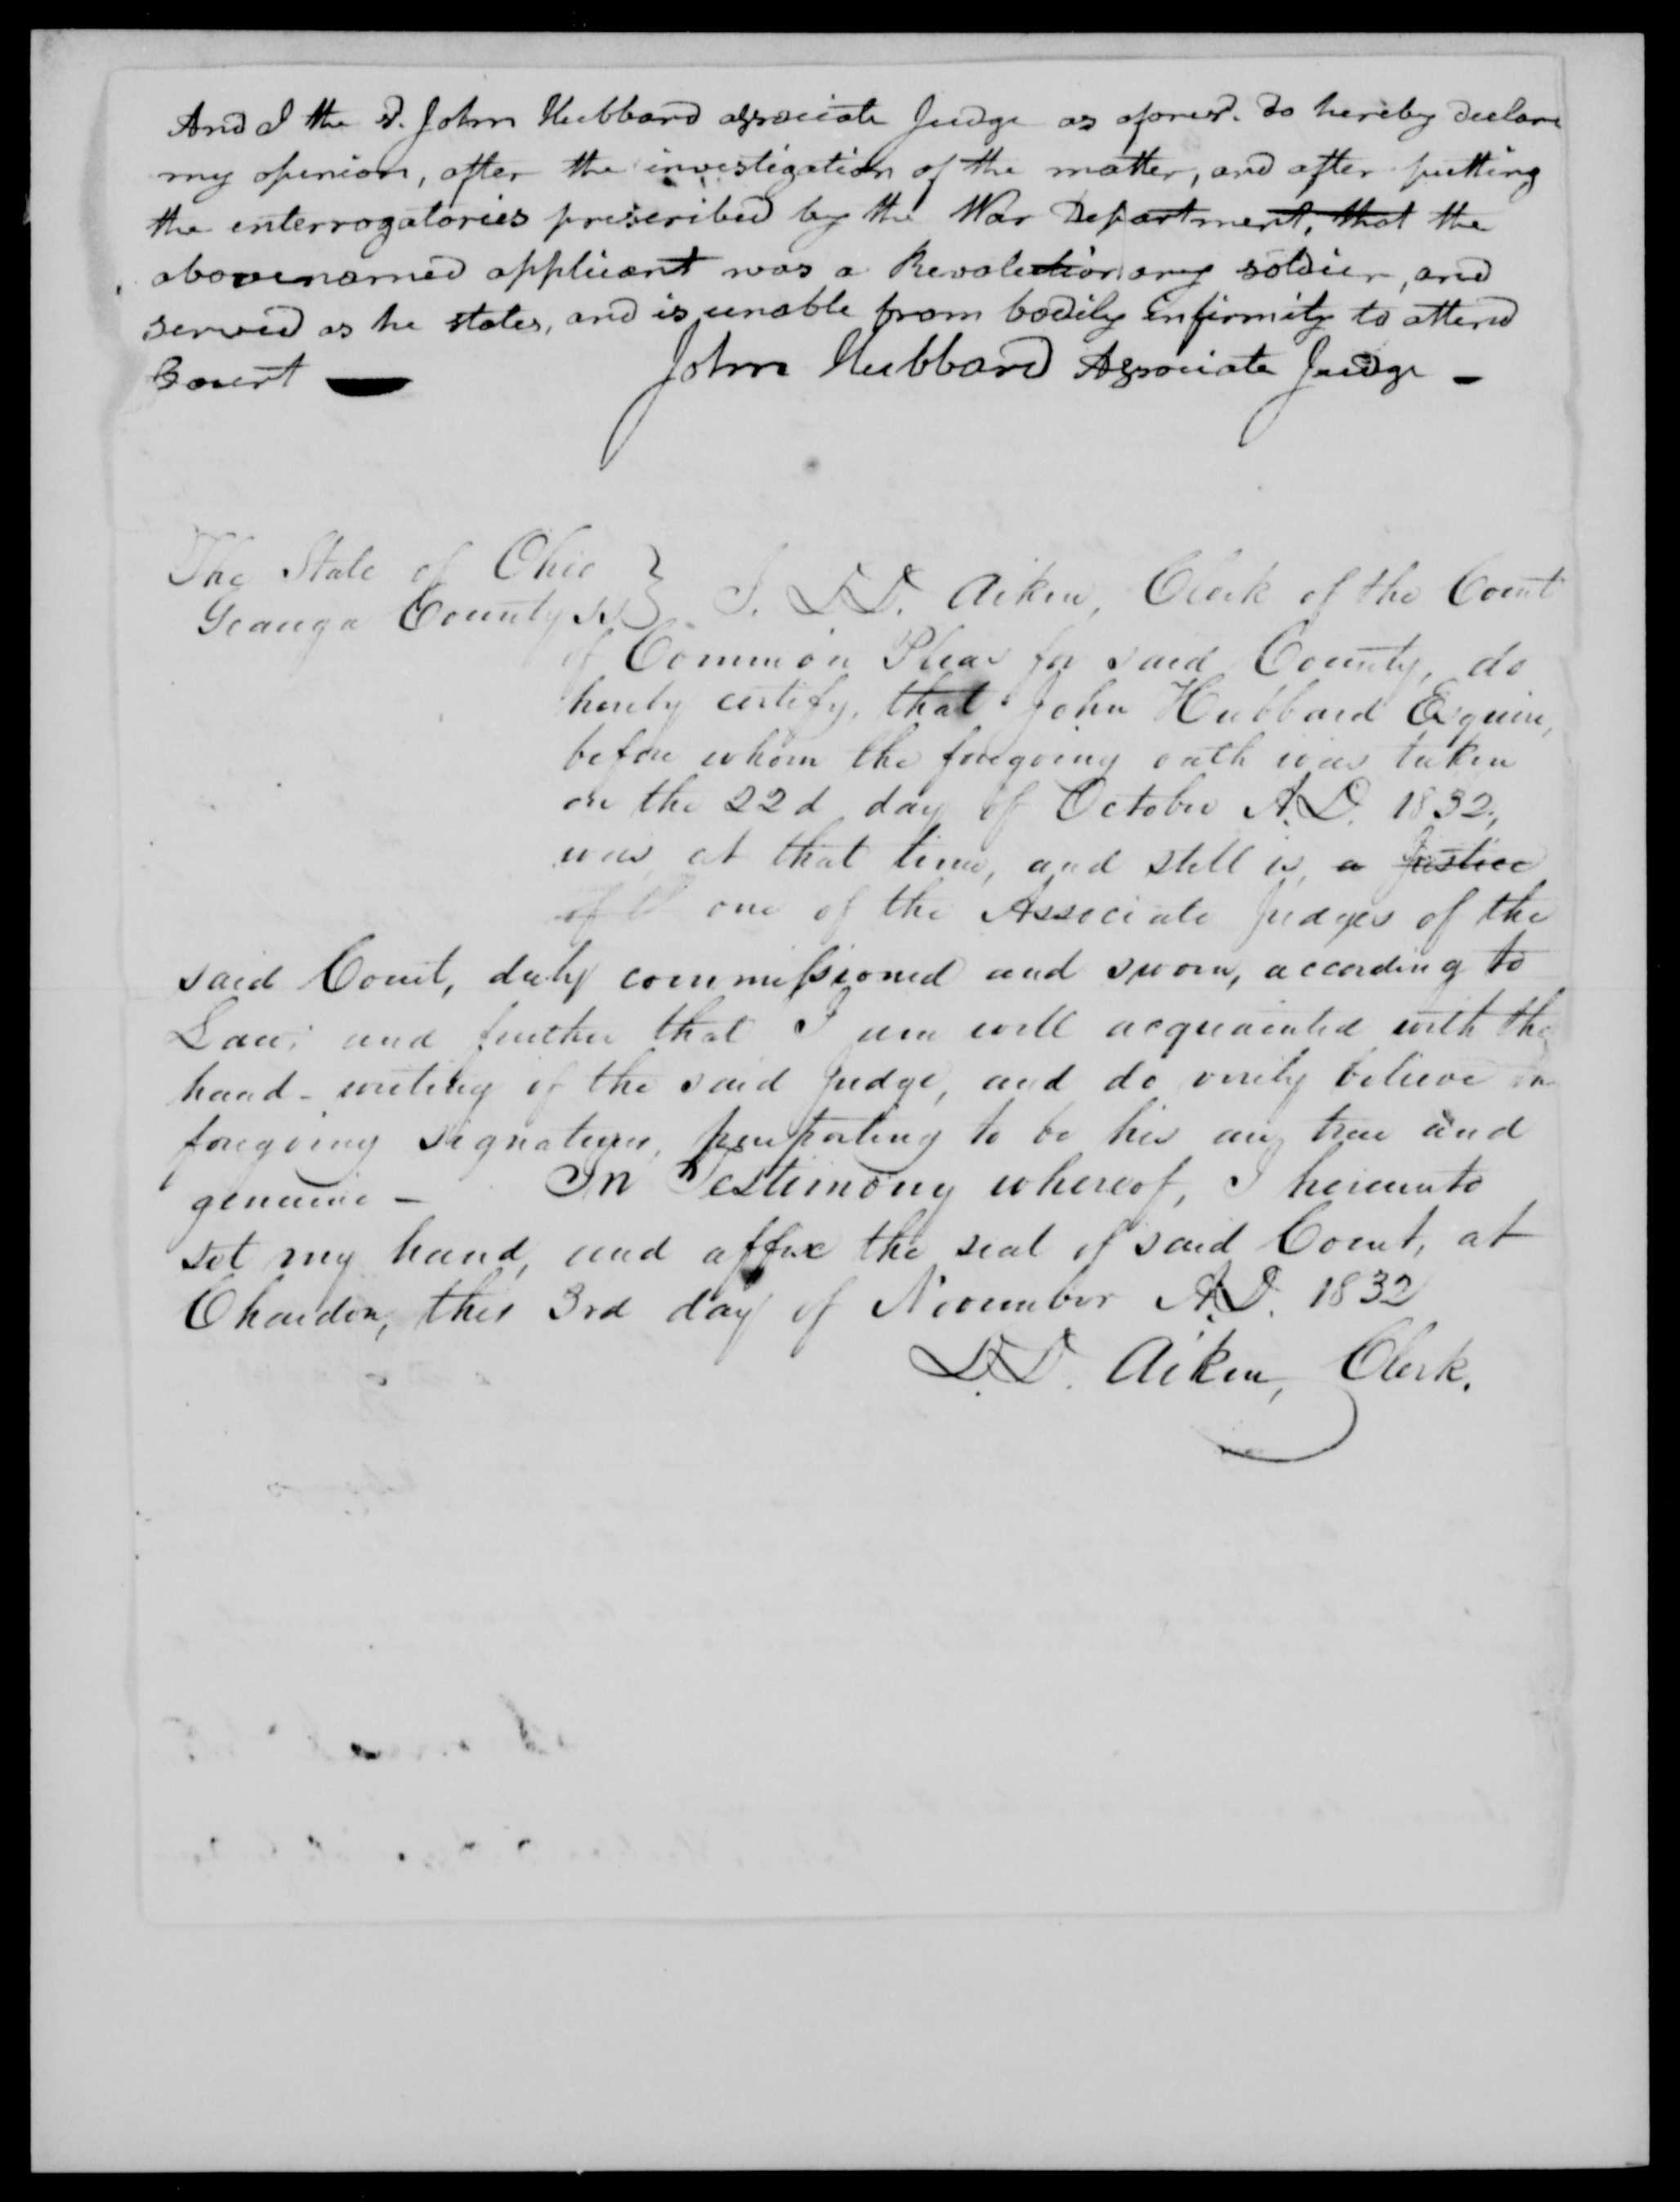And I H. John Hubbard associate Judge as aforesd. do hereby declare my opinion, after the investigation of the matter, and after putting the interrogatories prescribed by the War Department, that the abovenamed applicant was a Revolutionary soldier, and served as he states, and is unable from bodily infirmity to attend Court.
John Hubbard Associate Judge

The State of Ohio
Geauga County Ss }
I, D.D. Aiken, Clerk of the Court of Common Pleas for said County, do hereby certify that John Hubbard Esquire before whom the foregoing oath was taken on the 22d day of October A.D. 1832, was at that time, and still is [a Justice of t CROSSED OUT] one of the Associate Judges of the said Court, duly commissioned and sworn, according to Law and further that I was well acquainted with the hand writing of the said Judge, and do verily believe a foregoing signature purporting to be his own[?] true and genuine -  In testimony whereof, I hereunto set my hand and affix the seal of said Court, at Chardon, this 3rd day of November A.D. 1832

D.D. Aiken, Clerk.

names: John Hubbard; D D Aiken; John Hubbard; D D Aiken; John Hubbard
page: 8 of 18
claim: survivor's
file: S. 18,605, for Samuel Smead, Massachusetts